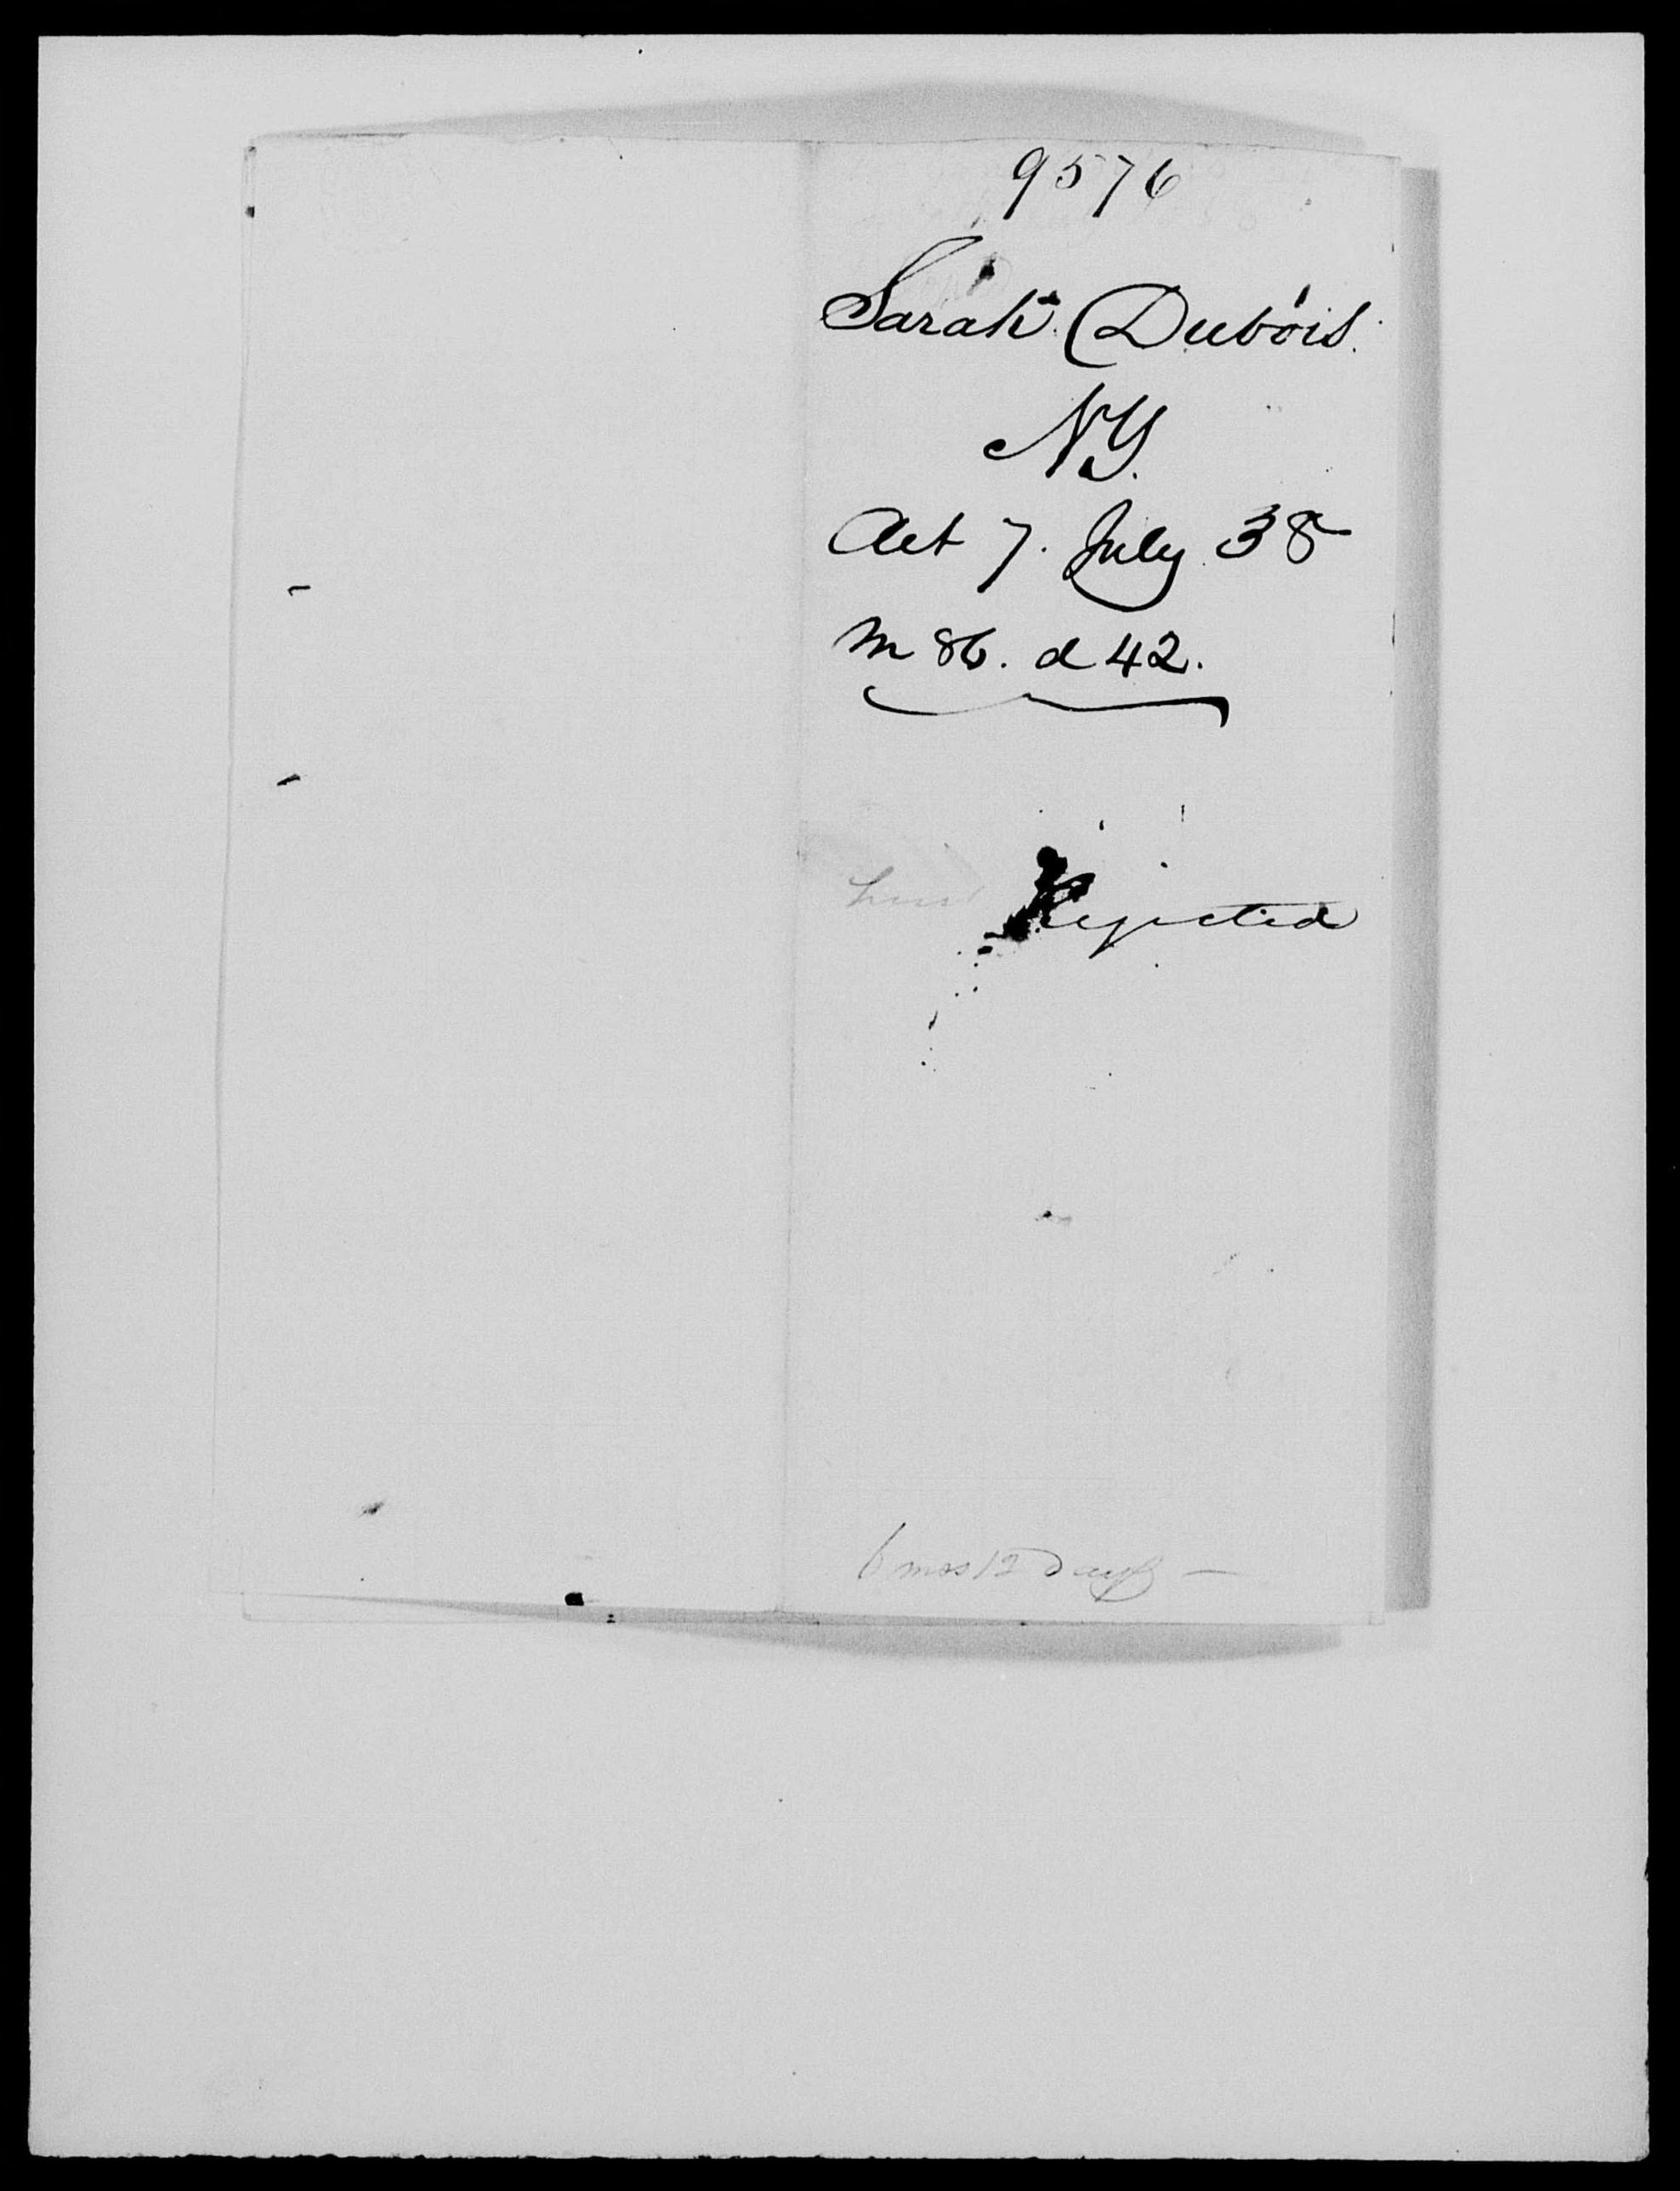9576
Sarah Dubois
NY
Act 7 July 38
m 86. d42

Rejected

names: Sarah Dubois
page: 26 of 36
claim: widow's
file: W 20995, Gerrit Dubois, New York